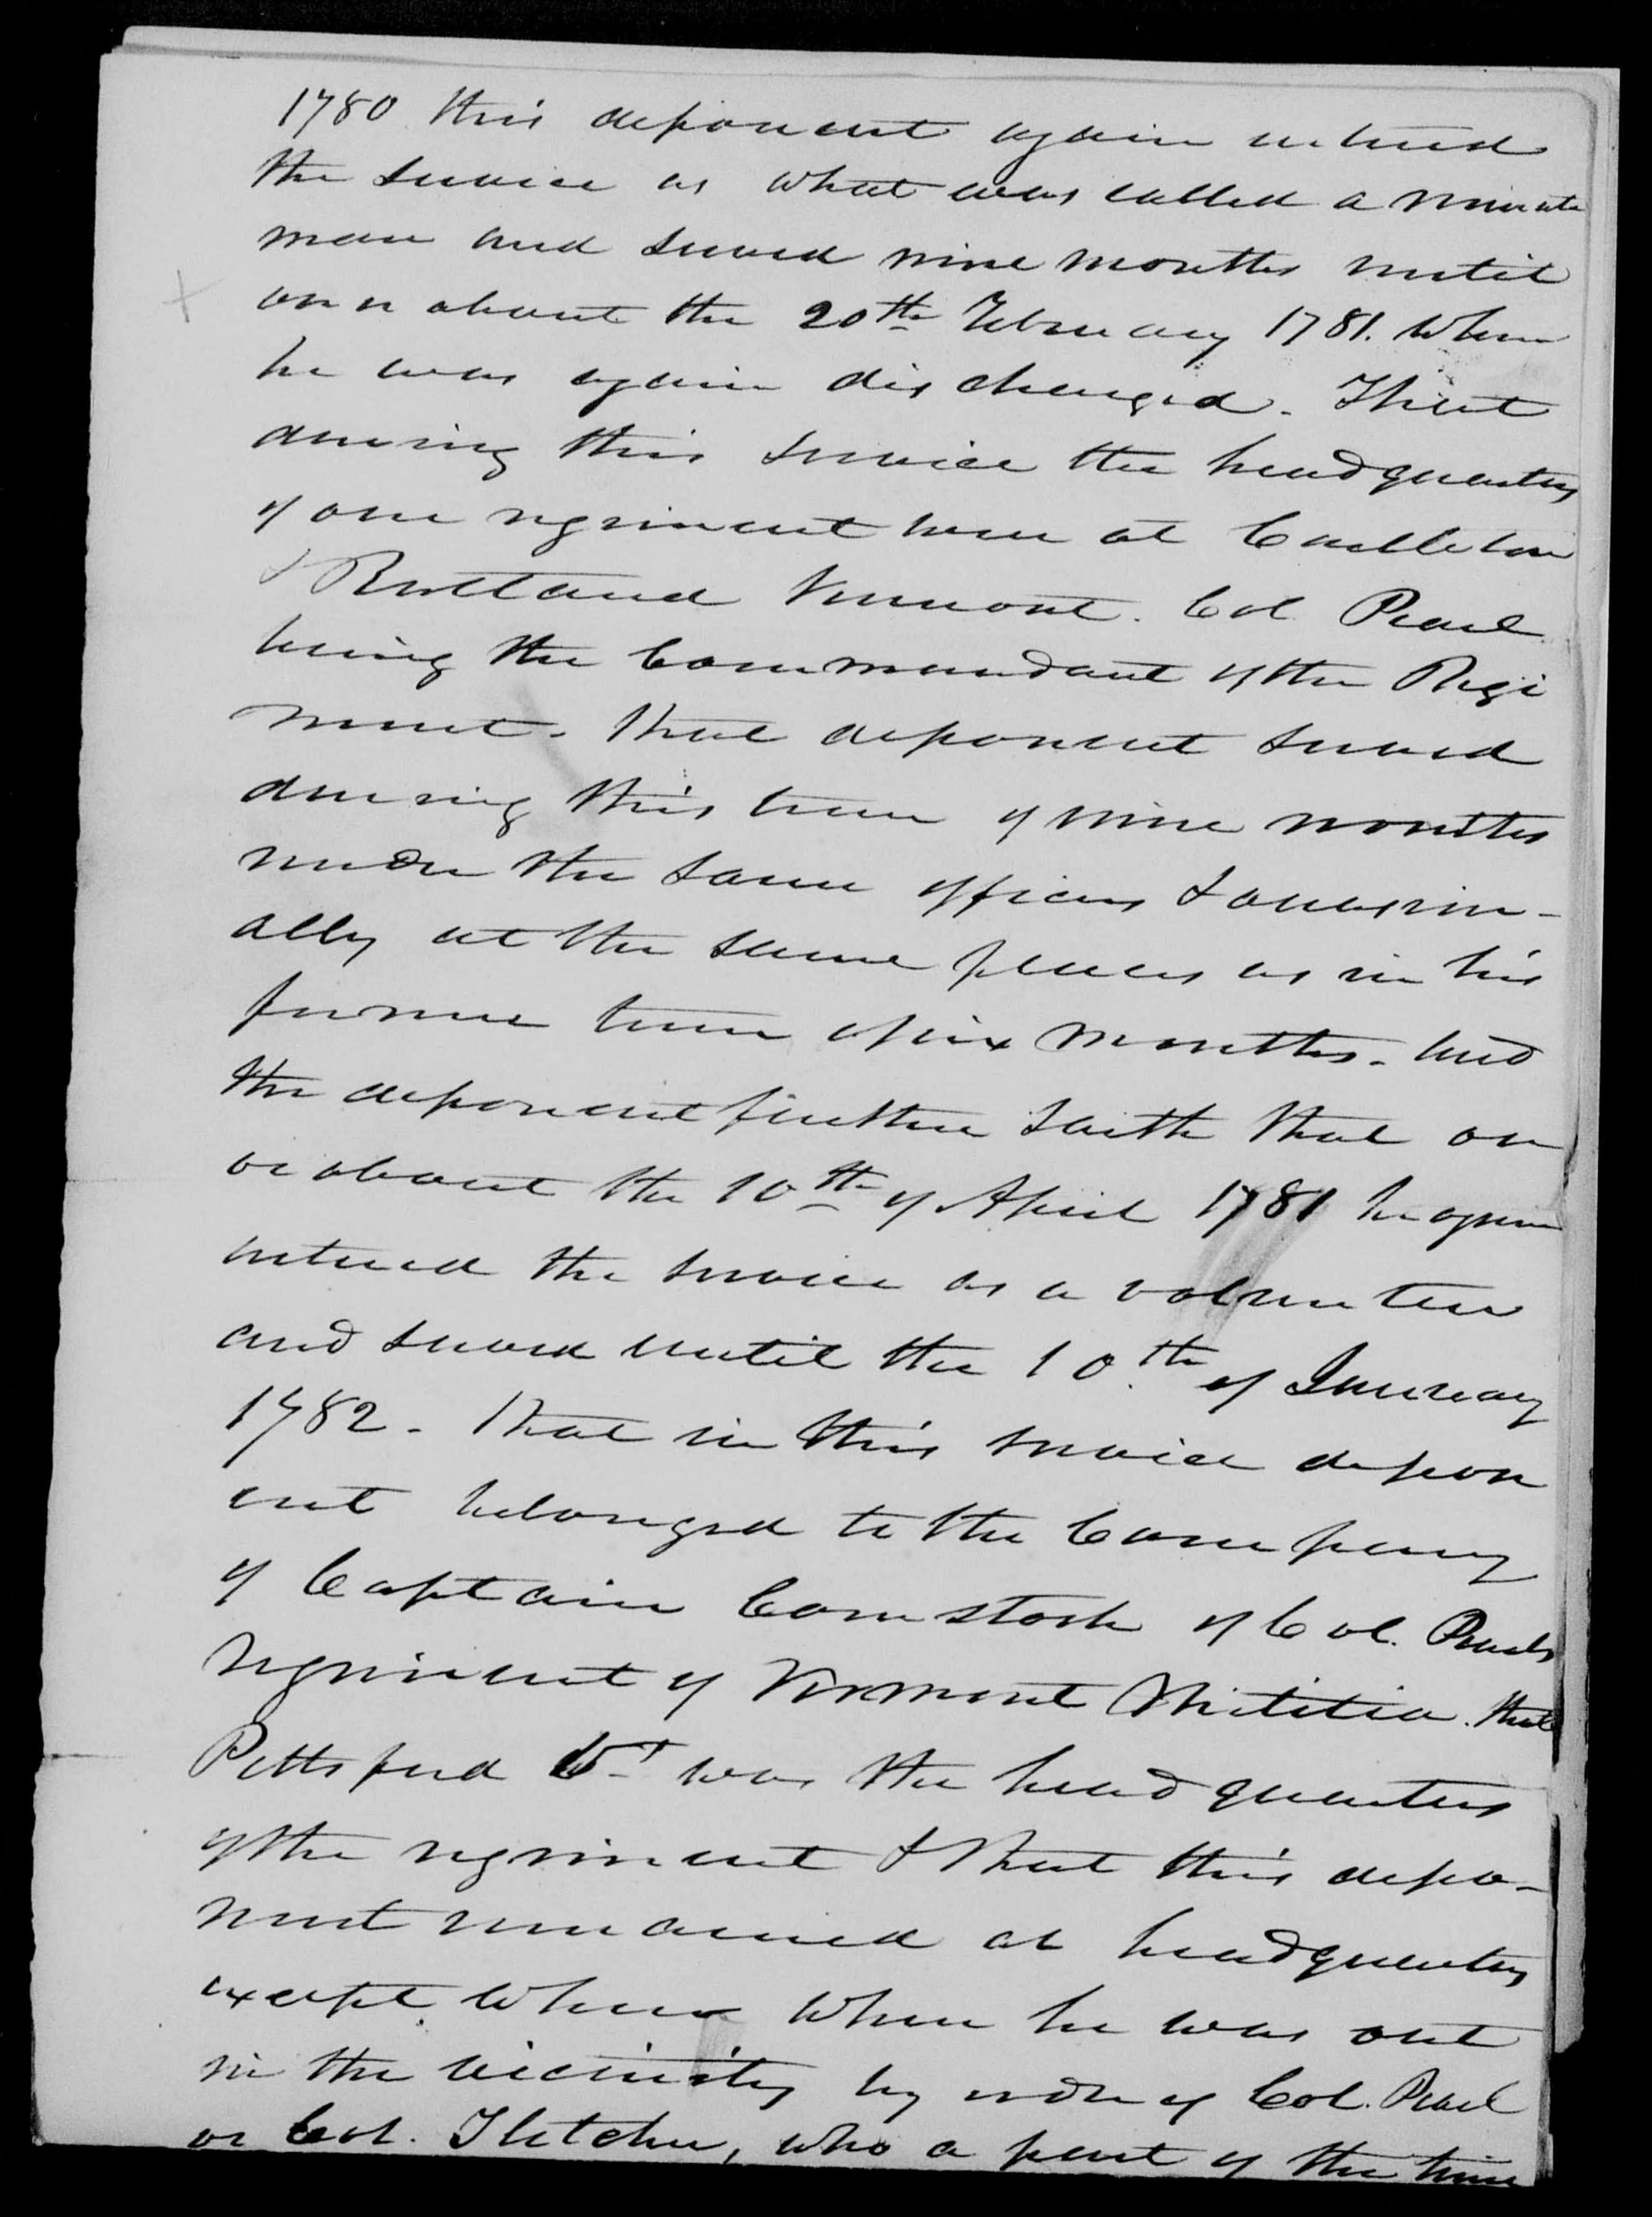1780 this deponent again entered the service as what was called a minute man and served nine months until on or about the 20th February 1781. When he was again discharged. That during this service the headquarters of one regiment here at Culleton
Rutland Vermont, Col Peace being the commandant of the Regiment, that deponent served during this tour of nine months under the same officers & originally at the same place as in his same time six months, and the deponent further saith that on or  about the 10th of April 1781 he joined the service as a volunteer and served until the 10th of January 1782, that in this place deponent  belonged to the Company
of Captain Comstock of Col. Paul regiment of Vermont Militia this time Pittsford was the head quarters of the regiment & that this deponent remained at headquarters except when he was out
in the vicinity by order of Col. Peace or Col. Fletcher who a part of the time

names: Flitcher, Pearl, Pearl, Comstock, Pearl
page: 20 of 40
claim: rejected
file: R. 1558, Jonathan Butterfield, Mass. Vt.